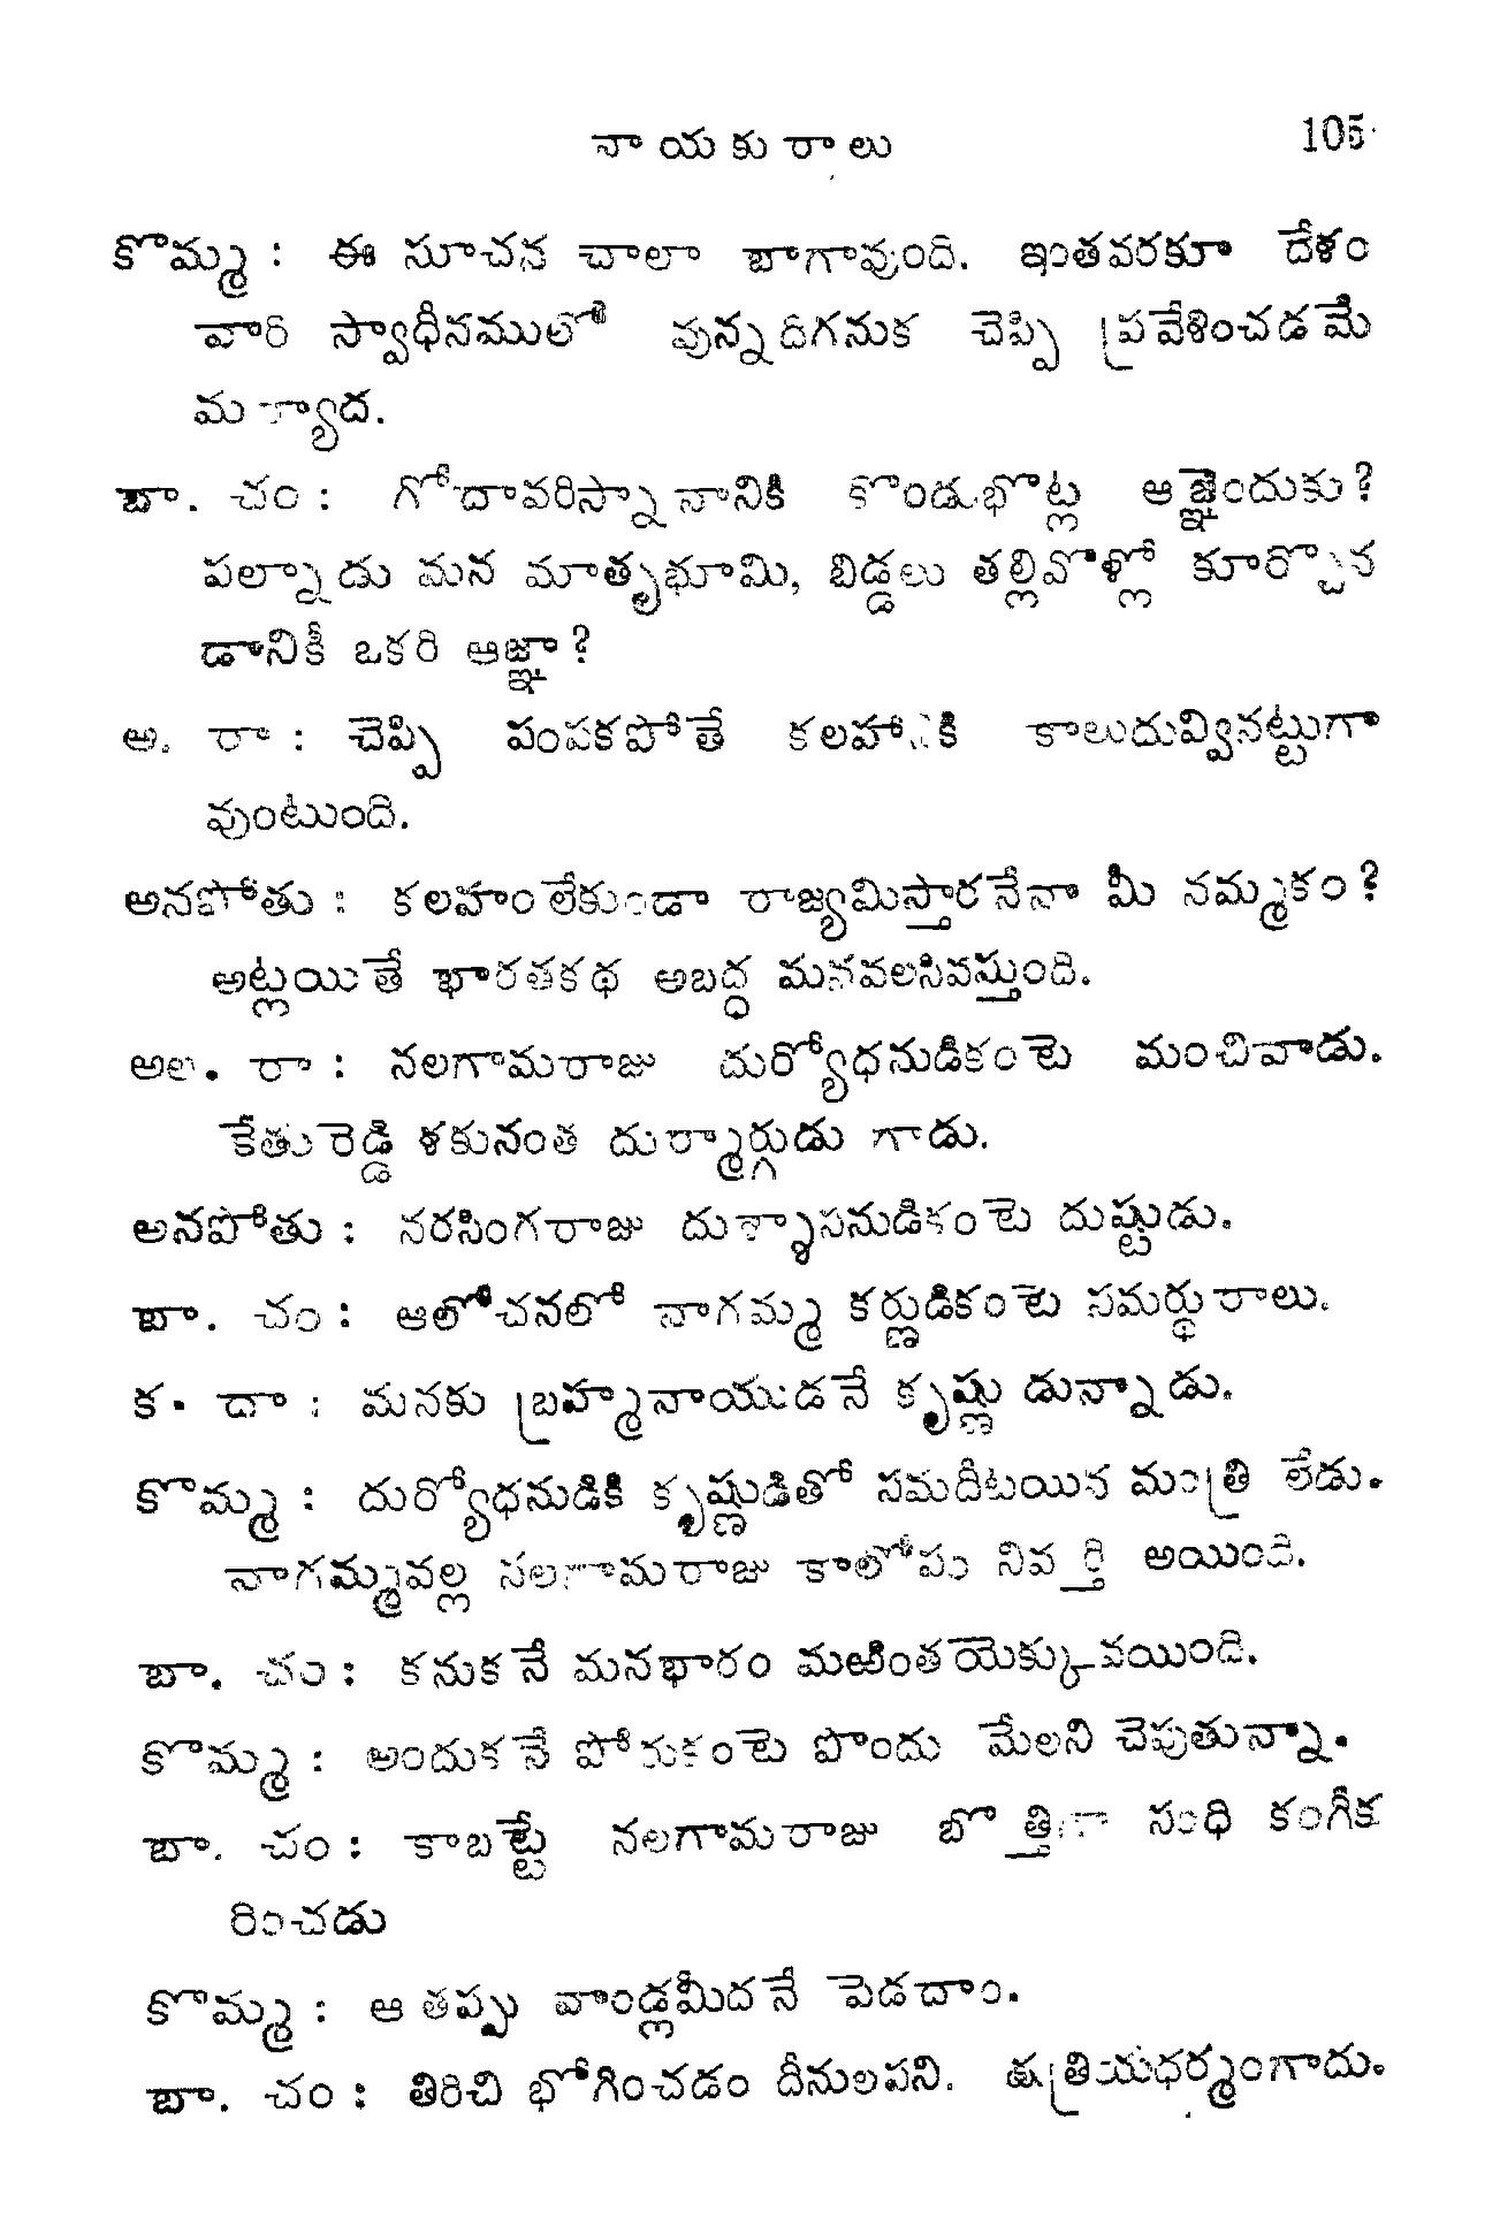కొమ్మ : ఈ సూచన చాలా బాగావుంది. ఇంతవరకూ దేశం వారి స్వాధీనములో వున్నదిగనుక చెప్పి ప్రవేశించడమే మర్యాద.

బా. చం : గోదావరిస్నానానికి కొండభొట్ల ఆజ్ఞెందుకు ? పల్నాడు మన మాతృభూమి, బిడ్డలు తల్లివొళ్లో కూర్చొనడానికి ఒకరి ఆజ్ఞా?

అ. రా : చెప్పి పంపకపోతే కలహానికి కాలుదువ్వినట్టుగా వుంటుంది.

అనపోతు : కలహంలేకుండా రాజ్యమిస్తారనేనా మీ నమ్మకం ? అట్లయితే భారతకథ అబద్ధ మనవలసివస్తుంది.

అల. రా : నలగామరాజు దుర్యోధనుడికంటె మంచివాడు. కేతురెడ్డి శకునంత దుర్మార్గుడు గాడు.

అనపోతు : నరసింగరాజు దుశ్శాసనుడికంటె దుష్టుడు.

బా. చం: ఆలోచనలో నాగమ్మ కర్ణుడికంటె సమర్థురాలు.

క. దా : మనకు బ్రహ్మనాయుడనే కృష్ణు డున్నాడు.

కొమ్మ : దుర్యోధనుడికి కృష్ణుడితో సమదీటయిన మంత్రి లేడు. నాగమ్మవల్ల నలగామరాజు కాలోపం నివర్తి అయింది.

బా. చం : కనుక నే మనభారం మఱింత యెక్కువయింది.

కొమ్మ : అందుకనే పోరుకంటె పొందు మేలని చెపుతున్నా.

బా. చం : కాబట్టే నలగామరాజు బొత్తిగా సంధి కంగీకరించడు

కొమ్మ : ఆ తప్పు వాండ్లమీదనే పెడదాం.

బా. చం : తిరిచి భోగించడం దీనులపని. క్షత్రియధర్మంగాదు.